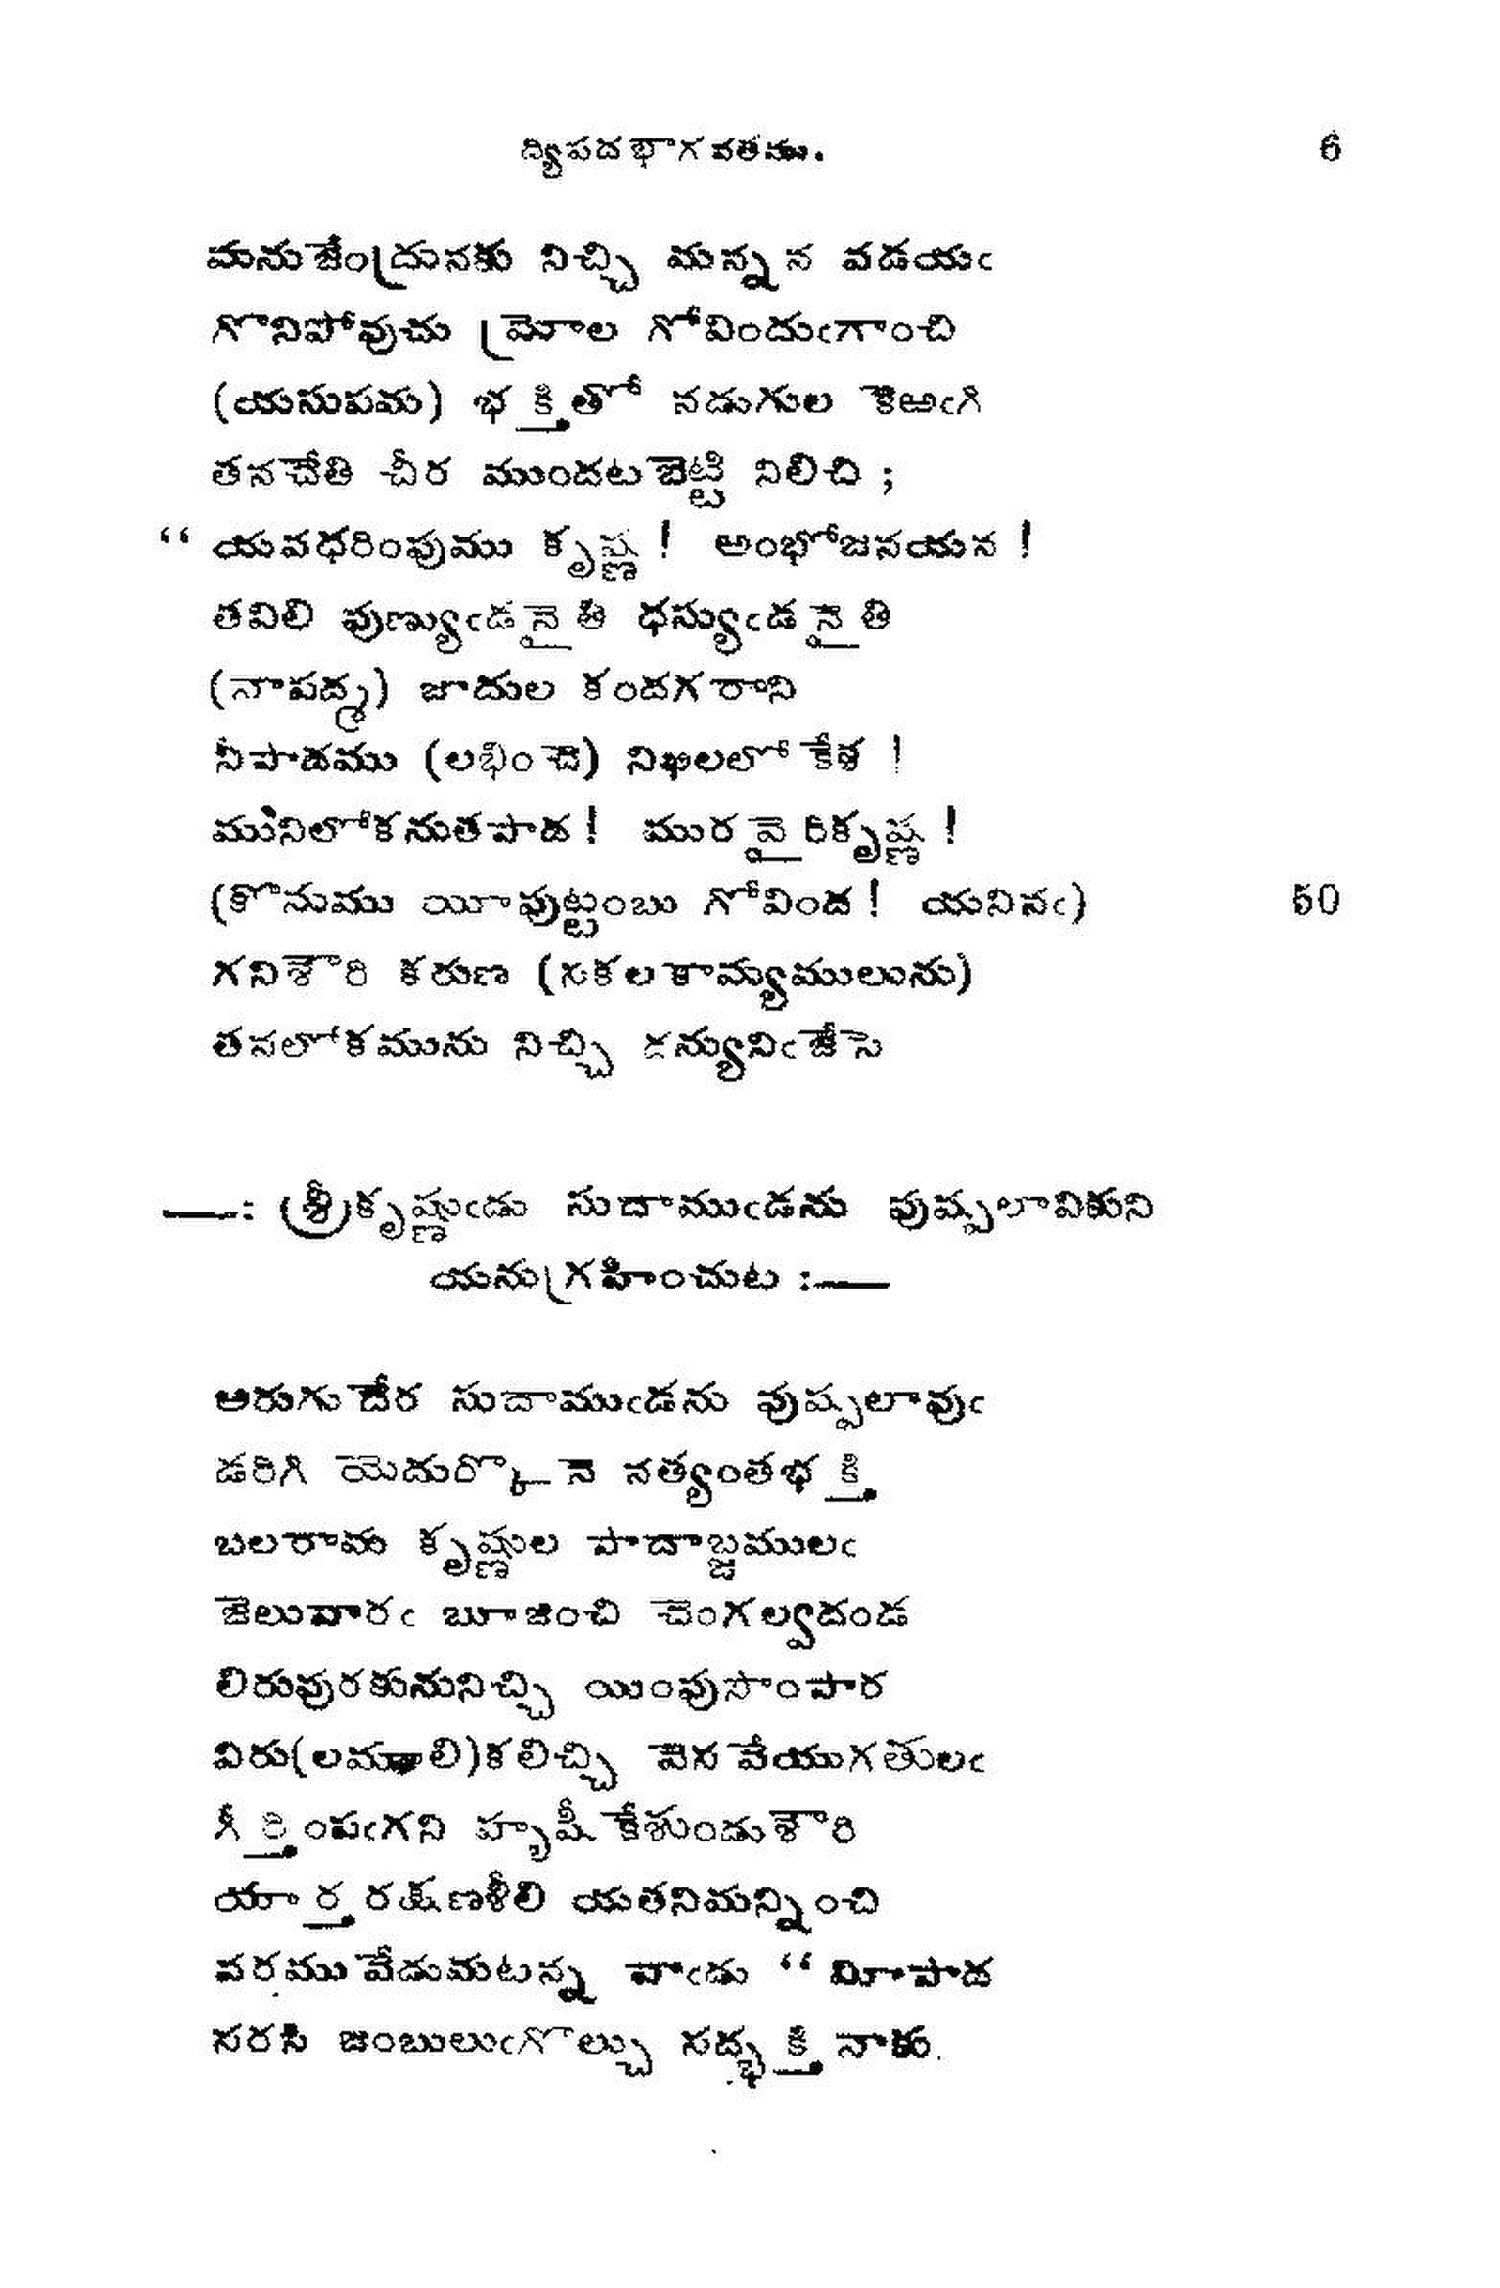మనుజేంద్రునకు నిచ్చి మన్నన వడయఁ
గొనిపోవుచు మ్రోల గోవిందుఁగాంచి
(యసుపమ) భక్తితో నడుగుల కెఱఁగి
తనచేతి చీర ముందటబెట్టి నిలిచి;
యవధరింపుము కృష్ణ! అంభోజనయన!
తవిలి పుణ్యుఁడనైతి ధన్యుఁడనైతి
(నాపద్మ)జాదుల కందగరాని
నీపాదము (లభించె) నిఖలలోకేశ!
మునిలోకనుతపాద! మురవైరికృష్ణ!
(కొనుము యీ పుట్టంబు గోవింద! యనినఁ)
గని శౌరి కరుణ (సకల కామ్యములును)
తనలోకమును నిచ్చి ధన్యునిఁ జేసె

అరుగు దేర సుదాముఁడను పుష్పలావుఁ
డరిగి యెదుర్కొనె నత్యంతభక్తి
బలరామ కృష్ణుల పాదాబ్జములఁ
జెలువారఁ బూజించి చెంగల్వదండ
లిరువురకునునిచ్చి యింపుసొంపార
విరు(లమాలి)కలిచ్చి వెసవేయుగతులఁ
గీర్తింపఁగని హృషీకేశుండు శౌరి
యార్తరక్షణశీలి యతనిమన్నించి
వరము వేడుమటన్న వాఁడు “మీపాద
సరసిజంబులుఁ గొల్చు సద్భక్తి నాకు